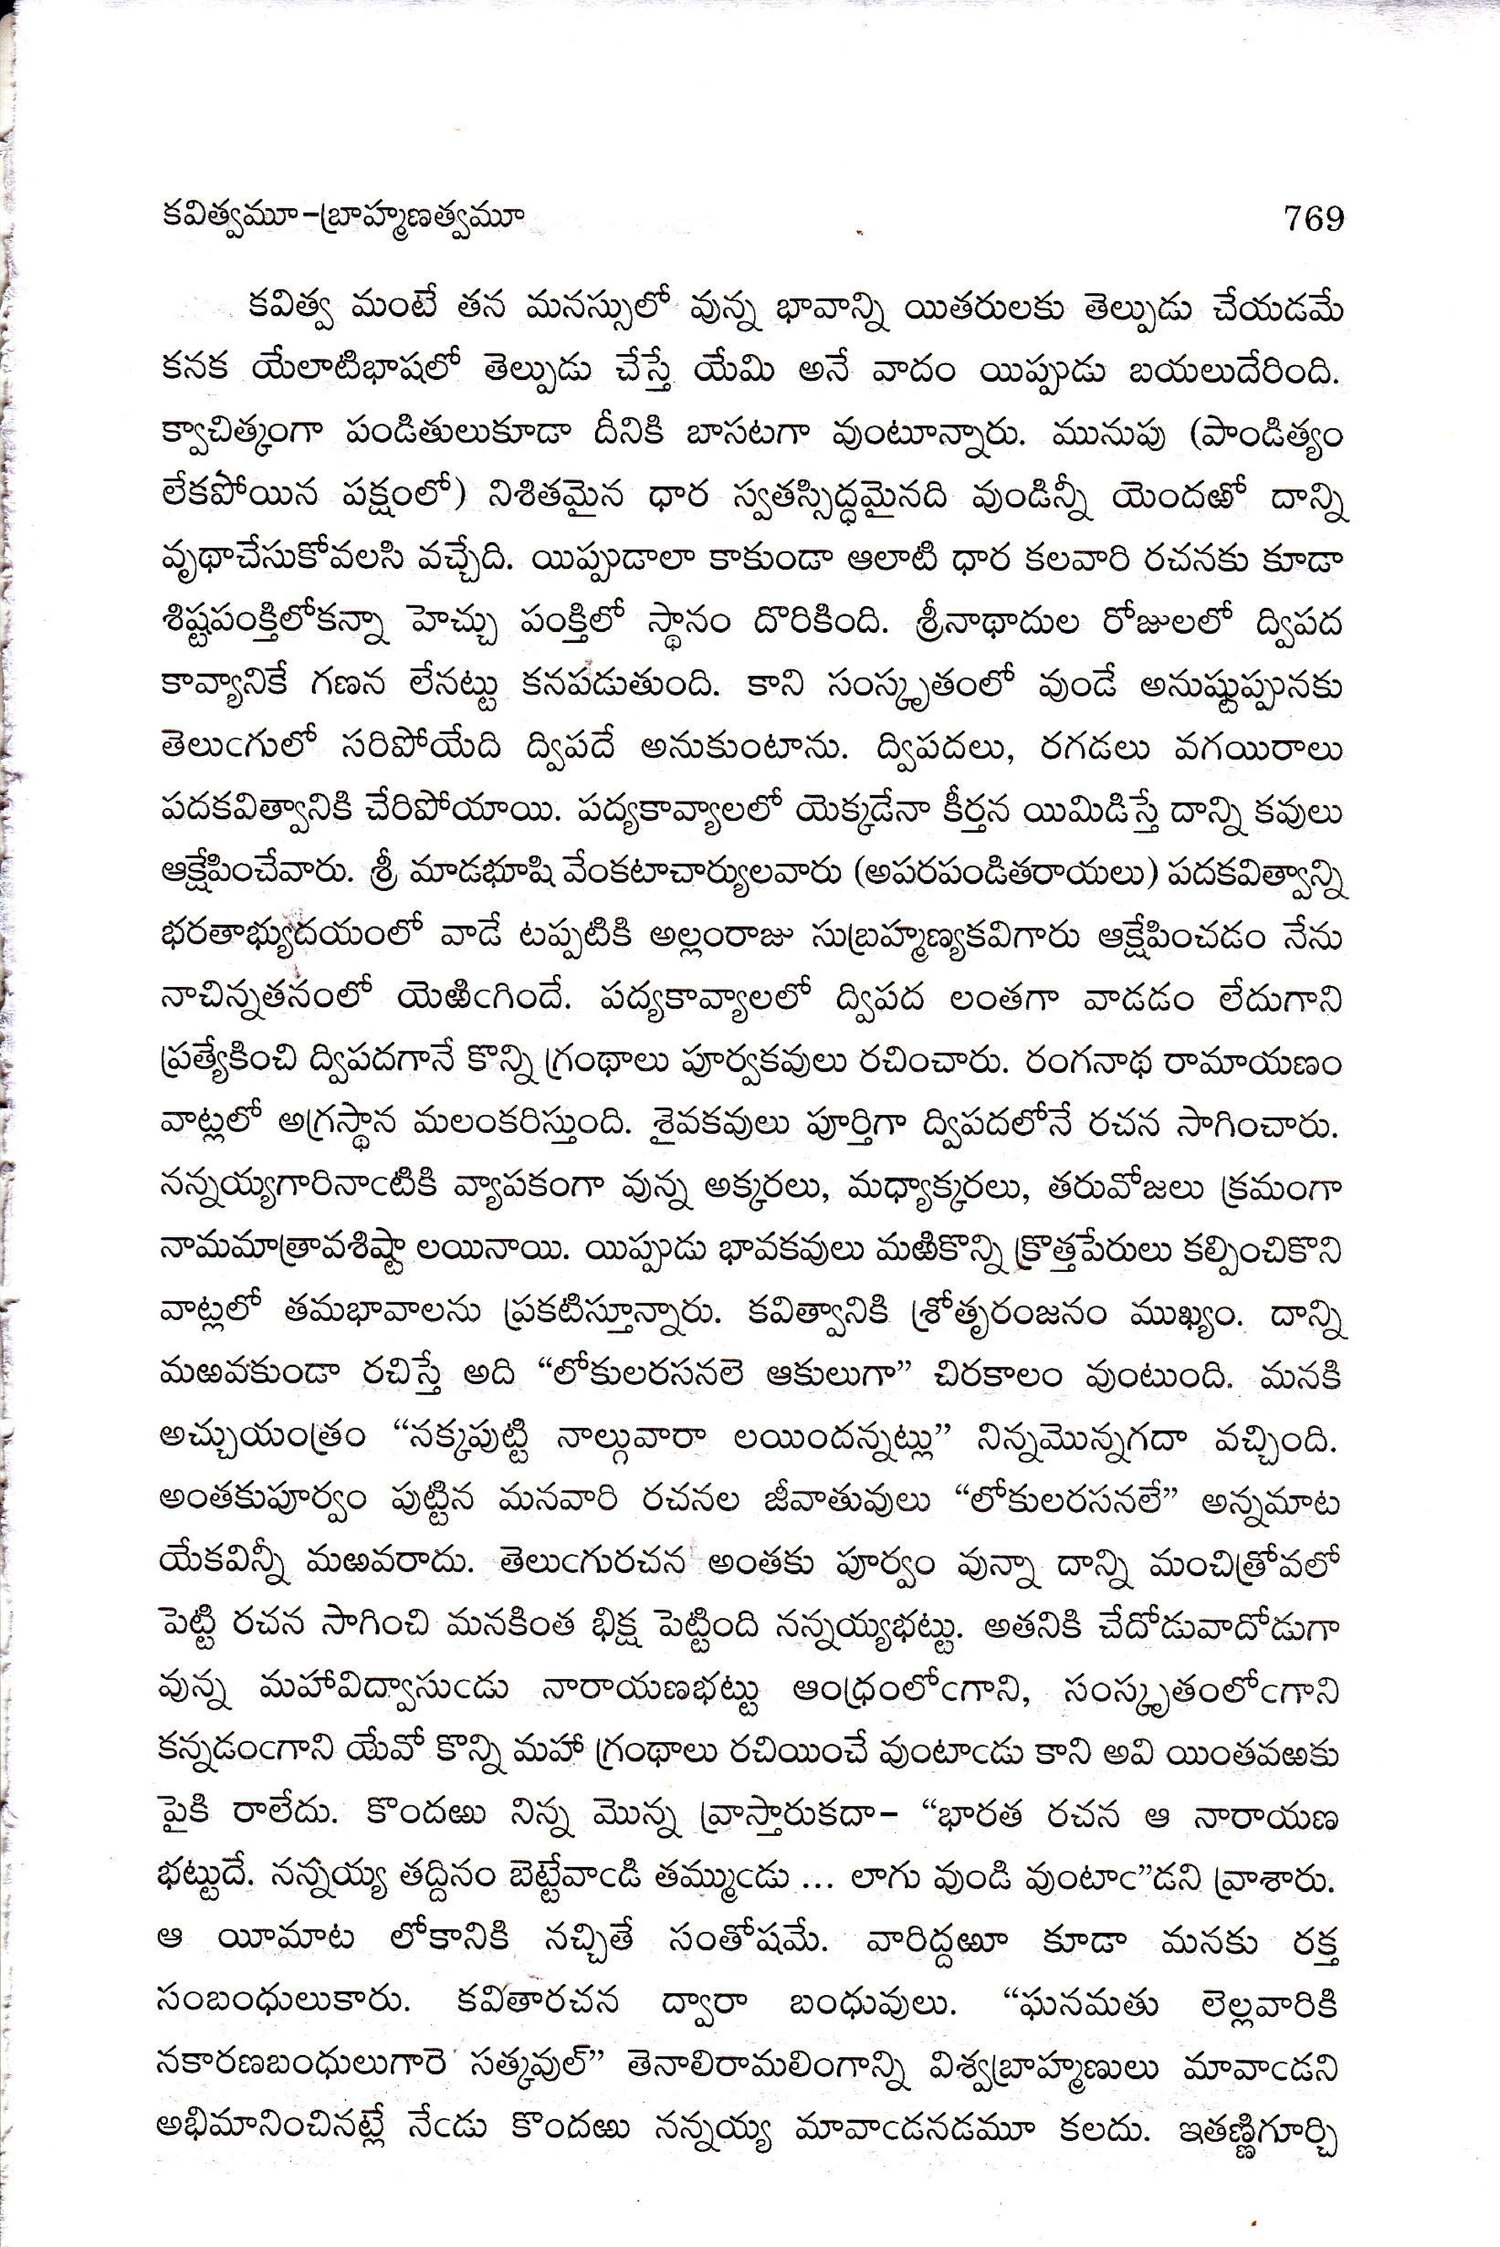కవిత్వ మంటే తన మనస్సులో వున్న భావాన్ని యితరులకు తెల్పుడు చేయడమే కనక యేలాటిభాషలో తెల్పుడు చేస్తే యేమి అనే వాదం యిప్పుడు బయలుదేరింది. క్వాచిత్కంగా పండితులుకూడా దీనికి బాసటగా వుంటూన్నారు. మునుపు (పాండిత్యం లేకపోయిన పక్షంలో) నిశితమైన ధార స్వతస్సిద్ధమైనది వుండిన్నీ యెందఱో దాన్ని వృథాచేసుకోవలసి వచ్చేది. యిప్పుడాలా కాకుండా ఆలాటి ధార కలవారి రచనకు కూడా శిష్టపంక్తిలోకన్నా హెచ్చు పంక్తిలో స్థానం దొరికింది. శ్రీనాథాదుల రోజులలో ద్విపద కావ్యానికే గణన లేనట్టు కనపడుతుంది. కాని సంస్కృతంలో వుండే అనుష్టుప్పునకు తెలుఁగులో సరిపోయేది ద్విపదే అనుకుంటాను. ద్విపదలు, రగడలు వగయిరాలు పదకవిత్వానికి చేరిపోయాయి. పద్యకావ్యాలలో యెక్కడేనా కీర్తన యిమిడిస్తే దాన్ని కవులు ఆక్షేపించేవారు. శ్రీ మాడభూషి వేంకటాచార్యులవారు (అపరపండితరాయలు) పదకవిత్వాన్ని భరతాభ్యుదయంలో వాడే టప్పటికి అల్లంరాజు సుబ్రహ్మణ్యకవిగారు ఆక్షేపించడం నేను నాచిన్నతనంలో యెఱిఁగిందే. పద్యకావ్యాలలో ద్విపద లంతగా వాడడం లేదుగాని ప్రత్యేకించి ద్విపదగానే కొన్ని గ్రంథాలు పూర్వకవులు రచించారు. రంగనాథ రామాయణం వాట్లలో అగ్రస్థాన మలంకరిస్తుంది. శైవకవులు పూర్తిగా ద్విపదలోనే రచన సాగించారు. నన్నయ్యగారినాఁటికి వ్యాపకంగా వున్న అక్కరలు, మధ్యాక్కరలు, తరువోజలు క్రమంగా నామమాత్రావశిష్టాలయినాయి. యిప్పుడు భావకవులు మఱికొన్ని క్రొత్తపేరులు కల్పించికొని వాట్లలో తమభావాలను ప్రకటిస్తూన్నారు. కవిత్వానికి శ్రోతృరంజనం ముఖ్యం. దాన్ని మఱవకుండా రచిస్తే అది “లోకులరసనలె ఆకులుగా" చిరకాలం వుంటుంది. మనకి అచ్చుయంత్రం “నక్కపుట్టి నాల్గువారా లయిందన్నట్లు" నిన్నమొన్నగదా వచ్చింది. అంతకుపూర్వం పుట్టిన మనవారి రచనల జీవాతువులు "లోకులరసనలే" అన్నమాట యేకవిన్నీ మఱవరాదు. తెలుఁగురచన అంతకు పూర్వం వున్నా దాన్ని మంచిత్రోవలో పెట్టి రచన సాగించి మనకింత భిక్ష పెట్టింది నన్నయ్యభట్టు. అతనికి చేదోడువాదోడుగా వున్న మహావిద్వాసుఁడు నారాయణభట్టు ఆంధ్రంలోఁగాని, సంస్కృతంలోఁగాని కన్నడంcగాని యేవో కొన్ని మహా గ్రంథాలు రచియించే వుంటాఁడు కాని అవి యింతవఱకు పైకి రాలేదు. కొందఱు నిన్న మొన్న వ్రాస్తారుకదా- “భారత రచన ఆ నారాయణ భట్టుదే. నన్నయ్య తద్దినం బెట్టేవాఁడి తమ్ముఁడు ... లాగు వుండి వుంటాఁ"డని వ్రాశారు. ఆ యీమాట లోకానికి నచ్చితే సంతోషమే. వారిద్దఱూ కూడా మనకు రక్త సంబంధులుకారు. కవితారచన ద్వారా బంధువులు. “ఘనమతు లెల్లవారికి నకారణబంధులుగారె సత్కవుల్" తెనాలిరామలింగాన్ని విశ్వబ్రాహ్మణులు మావాఁడని అభిమానించినట్లే నేఁడు కొందఱు నన్నయ్య మావాఁడనడమూ కలదు. ఇతణ్ణిగూర్చి